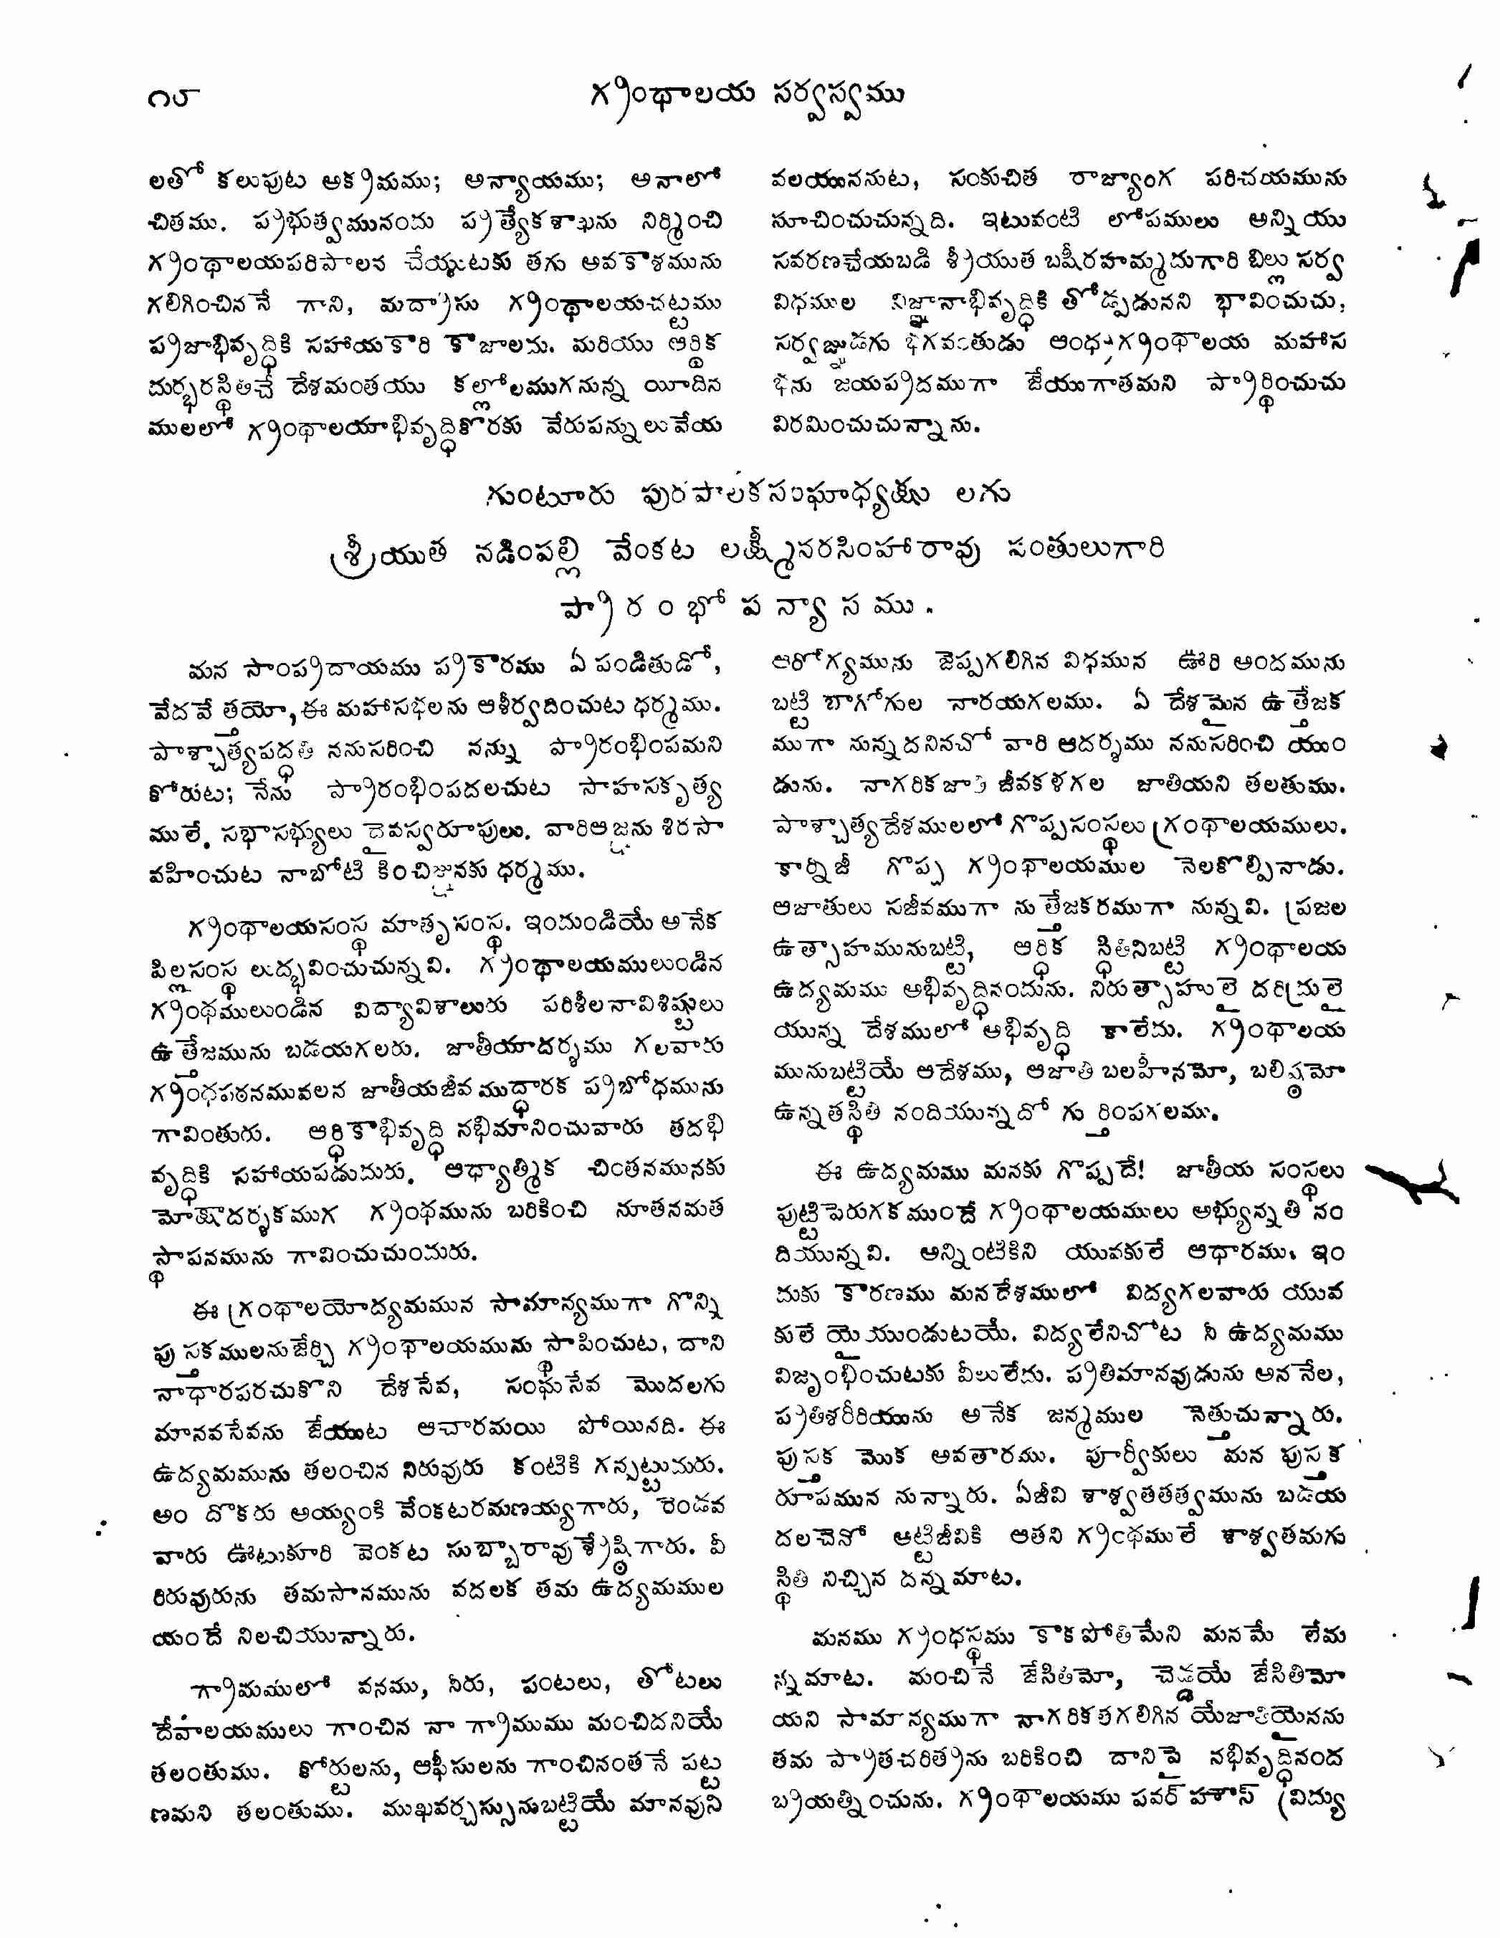లతో కలుపుట అక్రమము; అన్యాయము; అనాలోచితము. ప్రభుత్వమునందు ప్రత్యేక శాఖను నిర్మించి గ్రంథాలయపరిపాలన 
చేయుటకు తగు అవ కాశమును గలిగించిననే గాని, మద్రాసు గ్రంథాలయ చట్టము ప్రాజాభివృద్ధికి సహాయకారి కాజాలను. మరియు 
ఆర్థిక దుర్భరస్థితిచే దేశమంతయు కల్లోలముగనున్న యీదినములలో గ్రంధాలయాభివృద్ధికోదికొరకు వేరుపన్నులు వేయ వలయుననుట, సంకుచిత రాజ్యాంగ పరిచయమును సూచించుచున్నది. ఇటువంటి లోపములు అన్నియు సవరణ చేయబడి శ్రీయుత బషీ
రహమ్మదుగారి బిల్లు సర్వవిధముల విజ్ఞానాభివృద్ధికి తోడ్పడునని భావించుచు, సర్వజ్ఞుడగు భగవంతుడు ఆంధ్ర గ్రంథాలయ 
మహాసభను జయప్రదముగా జేయుగాతమని ప్రార్థించుచు విరమించుచున్నాను.

 

మన సాంప్రదాయము ప్రకారము ఏ పండితుడో, వేదవేతయో, ఈ మహాసభలను ఆశీర్వదించుట ధర్మము. పాశ్చాత్య పద్ధతి 
ననుసరించి నన్ను ప్రారంభింపమని కోరుట; నేను ప్ర్రారంభింపదలచుట సాహసకృత్యములే సభాసభ్యులు దైవస్వరూపులు, వారింజను శిరసా వహించుట నాబోటి కించిజునకు ధర్మము. గ్రంథాలయసంస్థ మాతృసంస్థ. ఇందుండియే అనేక పిల్లసంస్థ లుద్భవించుచున్నవి. గ్రంథాలయములుండిన విద్యావిశాలురు పరిశీలనావిశిష్టులు ఉతేజమును బడయగలరు. జాతీయాదర్శము గలవారు గంధపఠనమువలన జాతీయజీవ ముద్ధారక ప్రబోధమును గావింతురు. అర్ధికాభివృద్ధి నభిమానించువారు తదభివృద్ధికి సహాయపడుదురు. అధ్యాత్మిక చింతనమునకు మోక్షాదర్శకముగ గ్రంథమును బరికించి నూతనమత స్థాపనకు గావించుచుందురు.

ఈ గ్రంథాలయోద్యమమున సామాన్యముగా గొన్ని పుస్తకములను జేర్చి గ్రంథాలయమును స్థాపించుట, దాని నాధారపరచుకొని దేశసేవ, సంఘసేవ మొదలగు మానవసేవను జేయుట ఆచారమయి పోయినది. ఈ ఉద్యమమును తలంచిన నిరువురు కంటికి గన్పట్టునురు.
అందొకరు అయ్యంకి వెంకటరమణయ్య గారు, రెండవ వారు ఊటుకూరి వెంకట సుబ్బారావు శ్రేష్ఠి గారు. వీరిరువురును తమస్టానమును వదలక తమ ఉద్యమములయందే నిలచియున్నారు.

గ్రామములో వనము, నీరు, పంటలు, తోటలు, దేవాలయములు గాంచిన నా గ్రాముము మంచిదనియే తలంతుము. కోర్టులను లను, ఆఫీసులను గాంచినంత నేపట్టణమని తలంతుము. ముఖవర్చస్సును బట్టియే మానవుని ఆరోగ్యమును జెప్పగలిగిన విధమున ఊరి అందమును బట్టి బాగోగుల నారయగలము. ఏ దేశమైన ఉత్తేజకముగా నున్నదనినచో వారి ఆదర్శము ననుసరించి యుండును. నాగరిక జాతీ జీవకళ గల జాతియని తలతుము. పాశ్చాత్య దేశములలో గొప్ప సంస్థలు గ్రంథాలయములు, కార్నిజీ గొప్ప గ్రంథాలయముల నెలకొల్పినాడు. అజాతులు సజీవముగా నుతేజకరముగా నున్నవి. ప్రజల ఉత్సాహమునుబట్టి, ఆర్ధిక స్ధితినిబట్టి గ్రంథాలయ
ఉద్యమము అభివృద్ధినందును. నిరుత్సాహులై దరిద్రులై యున్న దేశములో అభివృద్ధి కాలేదు. గ్రంథాలయమునుబట్టియే ఆదేశము, ఆజాతి బలహీనమో, బలిషమో ఉన్నతస్థితి నందియున్నదో గుర్థింపగలము.

ఈ ఉద్యమము మనకు గొప్పదే! జాతీయ సంస్థలు పుట్టి పెరుగక ముందే గ్రంథాలయములు అభ్యున్నతి నందియున్నవి. అన్నింటికిని యువకులే ఆధారము. ఇందుకు కారణము మన దేశములో విద్యగలవారు యువకులే యెయుండుటయే. విద్యలేనిచోట నీ ఉద్యమము
విజృంభించుటకు వీలు లేదు. ప్రతిమానవుడును అననేల, ప్రతిశరీరియును అనేక జన్మముల నెత్తుచున్నారు. పుస్తకమొక అవతారము. పూర్వీకులు మన పుస్తక రూపమున నున్నారు. ఏజీవి శాశ్వతతత్వమును బడియదలచెనో ఆట్టిజీవికి అతని గ్రంథములే శాశ్వతమగు
స్థితి నిచ్చిన దన్న మాట.

మనము గ్రంధస్థము కాకపోతిమేని మనమే లేమన్నమాట. మంచినే జేసితిమో, చెడయే జేసితిమో యని సామాన్యముగా నాగరికత గలిగిన యేజాతియైనను తమ ప్రాతచరిత్రను బరికించి దానిపై నభివృద్ధినంద బ్రయత్నించును. గ్రంథాలయము పవర్ హౌస్ (విద్యు